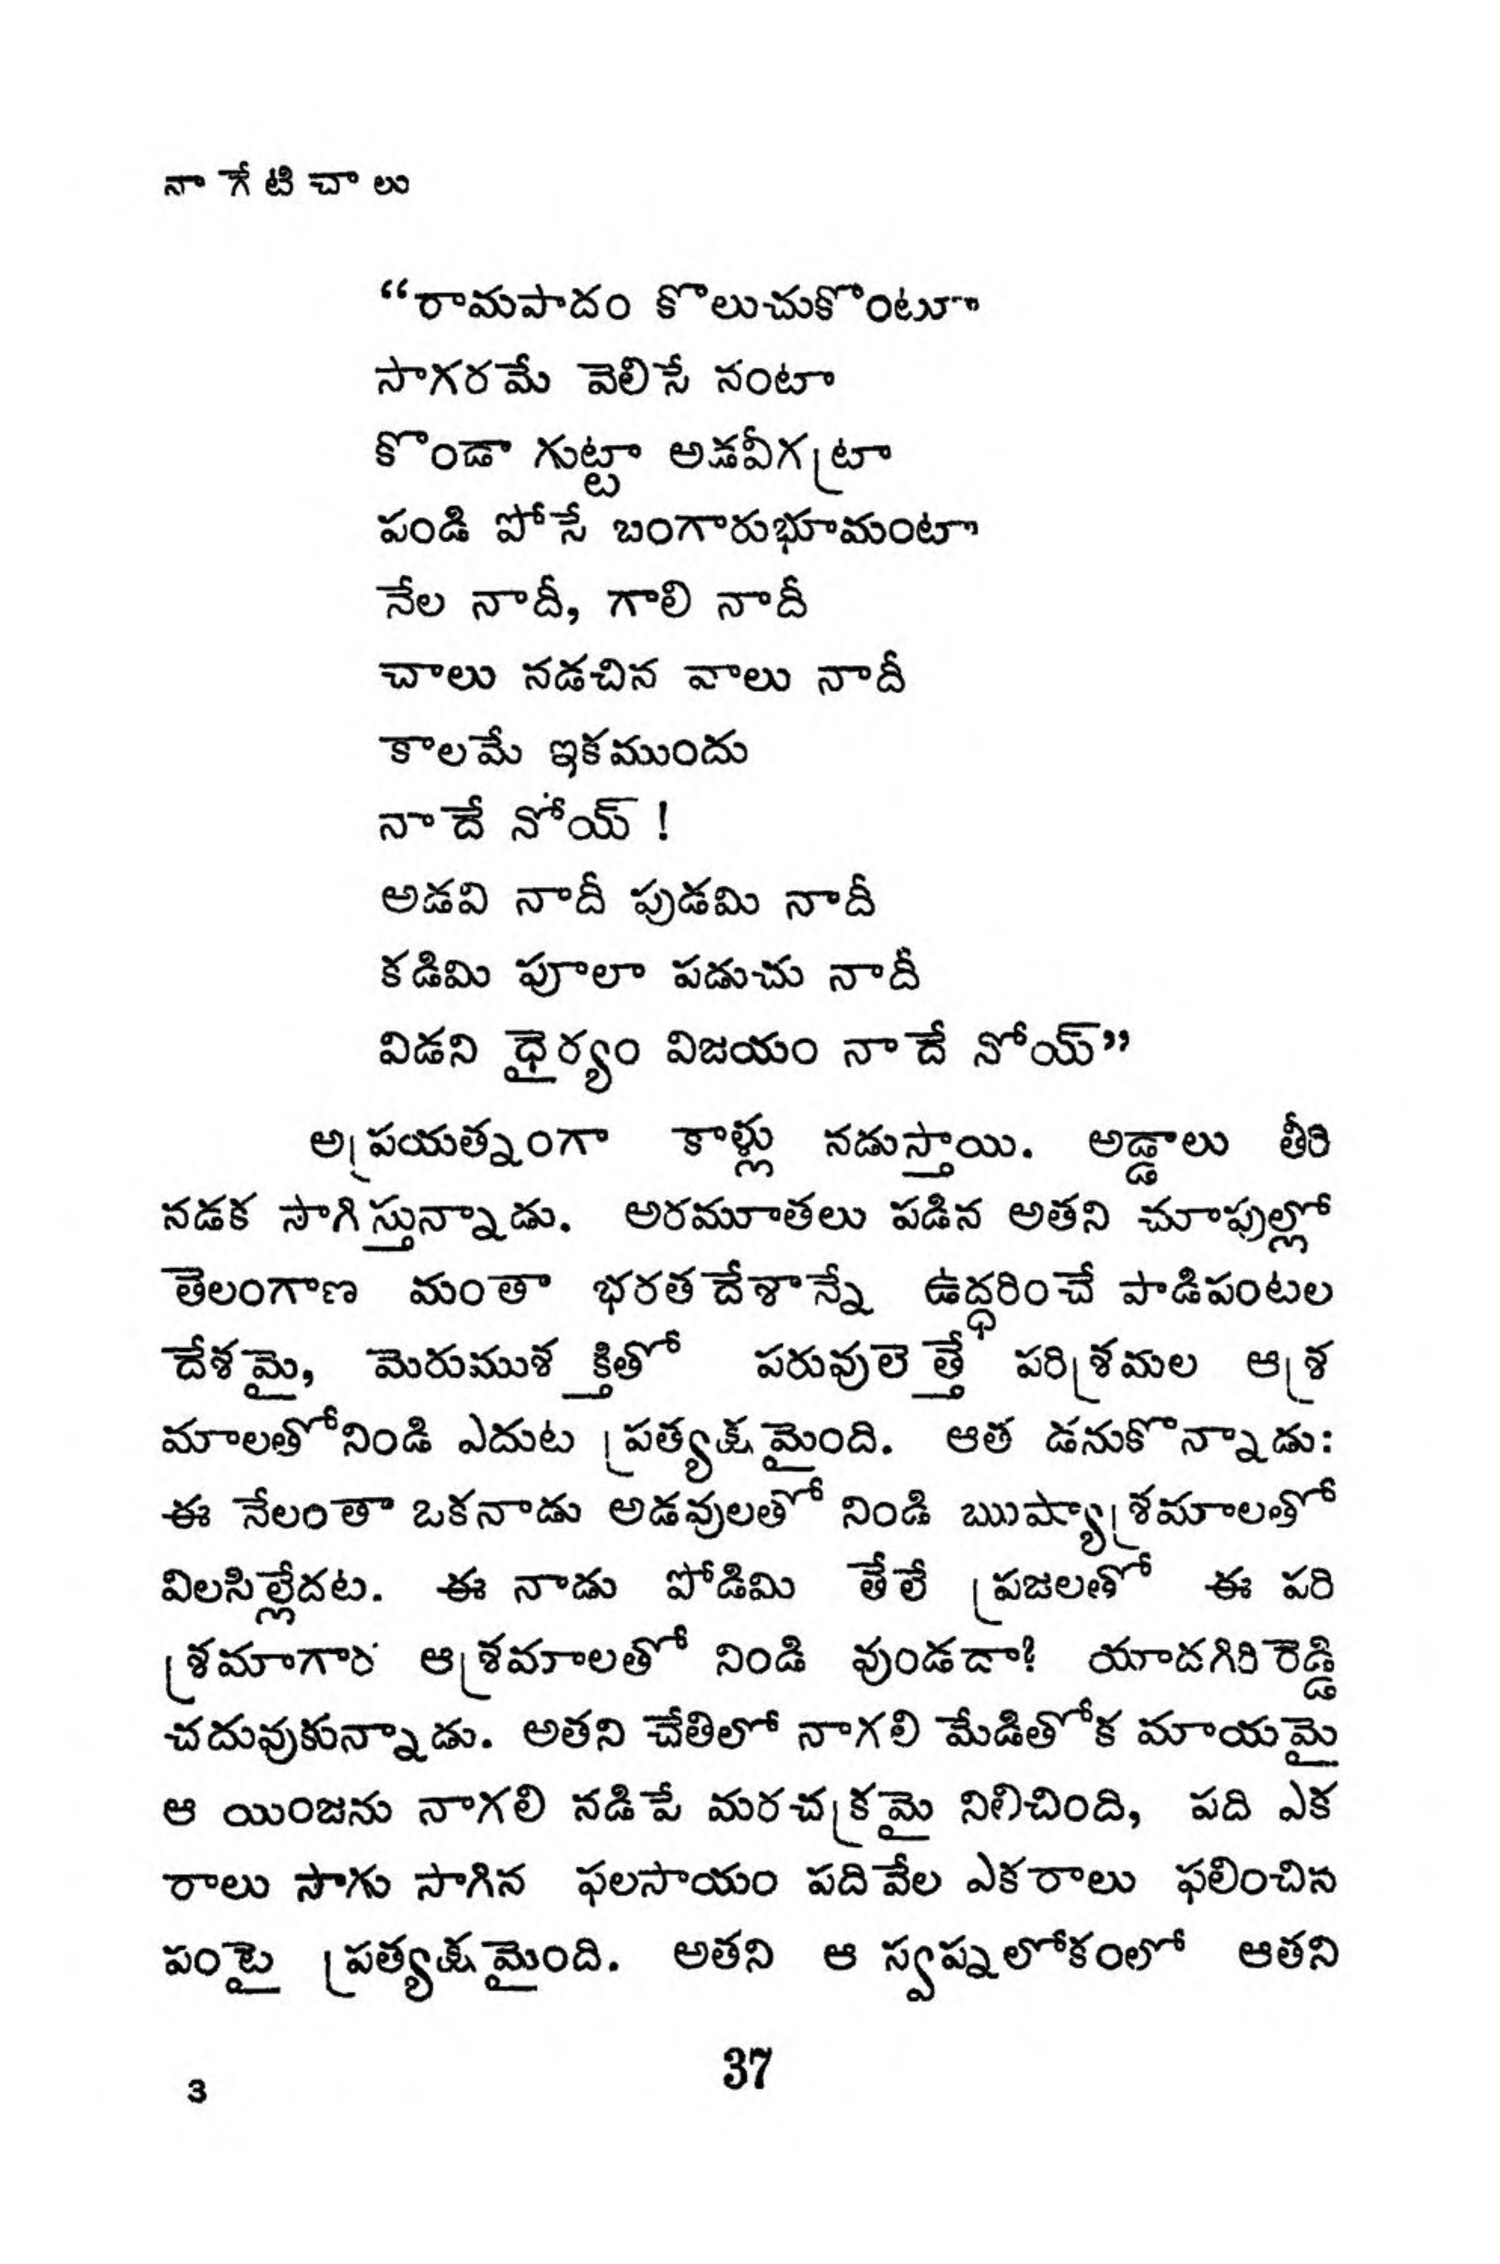"రామపాదం కొలుచుకొంటూ
సాగరమే వెలిసే నంటా
కొండా గుట్టా అడవీగట్రా
పండి పోసే బంగారుభూమంటా
నేల నాదీ, గాలి నాదీ
చాలు నడచిన వాలు నాదీ
కాలమే ఇకముందు
నాదే నోయ్!
అడవి నాదీ పుడమి నాదీ
కడిమి పూలా పడుచు నాదీ
విడని ధైర్యం విజయం నాదే నోయ్"
అప్రయత్నంగా కాళ్లు నడుస్తాయి. అడ్డాలు తీరి నడక సాగిస్తున్నాడు. అరమూతలు పడిన అతని చూపుల్లో తెలంగాణ మంతా భరతదేశాన్నే ఉద్ధరించే పాడిపంటల దేశమై, మెరుముశక్తితో పరువులెత్తే పరిశ్రమల ఆశ్రమాలతోనిండి ఎదుట ప్రత్యక్షమైంది. ఆత డనుకొన్నాడుః ఈ నేలంతా ఒకనాడు అడవులతో నిండి ఋష్యాశ్రమాలతో విలసిల్లేదట. ఈ నాడు పోడిమి తేలే ప్రజలతో ఈ పరిశ్రమాగార ఆశ్రమాలతో నిండి వుండదా? యాదగిరిరెడ్డి చదువుకున్నాడు. అతని చేతిలో నాగలి మేడితోక మాయమై ఆ యింజను నాగలి నడిపే మరచక్రమై నిలిచింది, పది ఎకరాలు సాగు సాగిన ఫలసాయం పదివేల ఎకరాలు ఫలించిన పంటై ప్రత్యక్షమైంది. అతని ఆ స్వప్నలోకంలో ఆతని